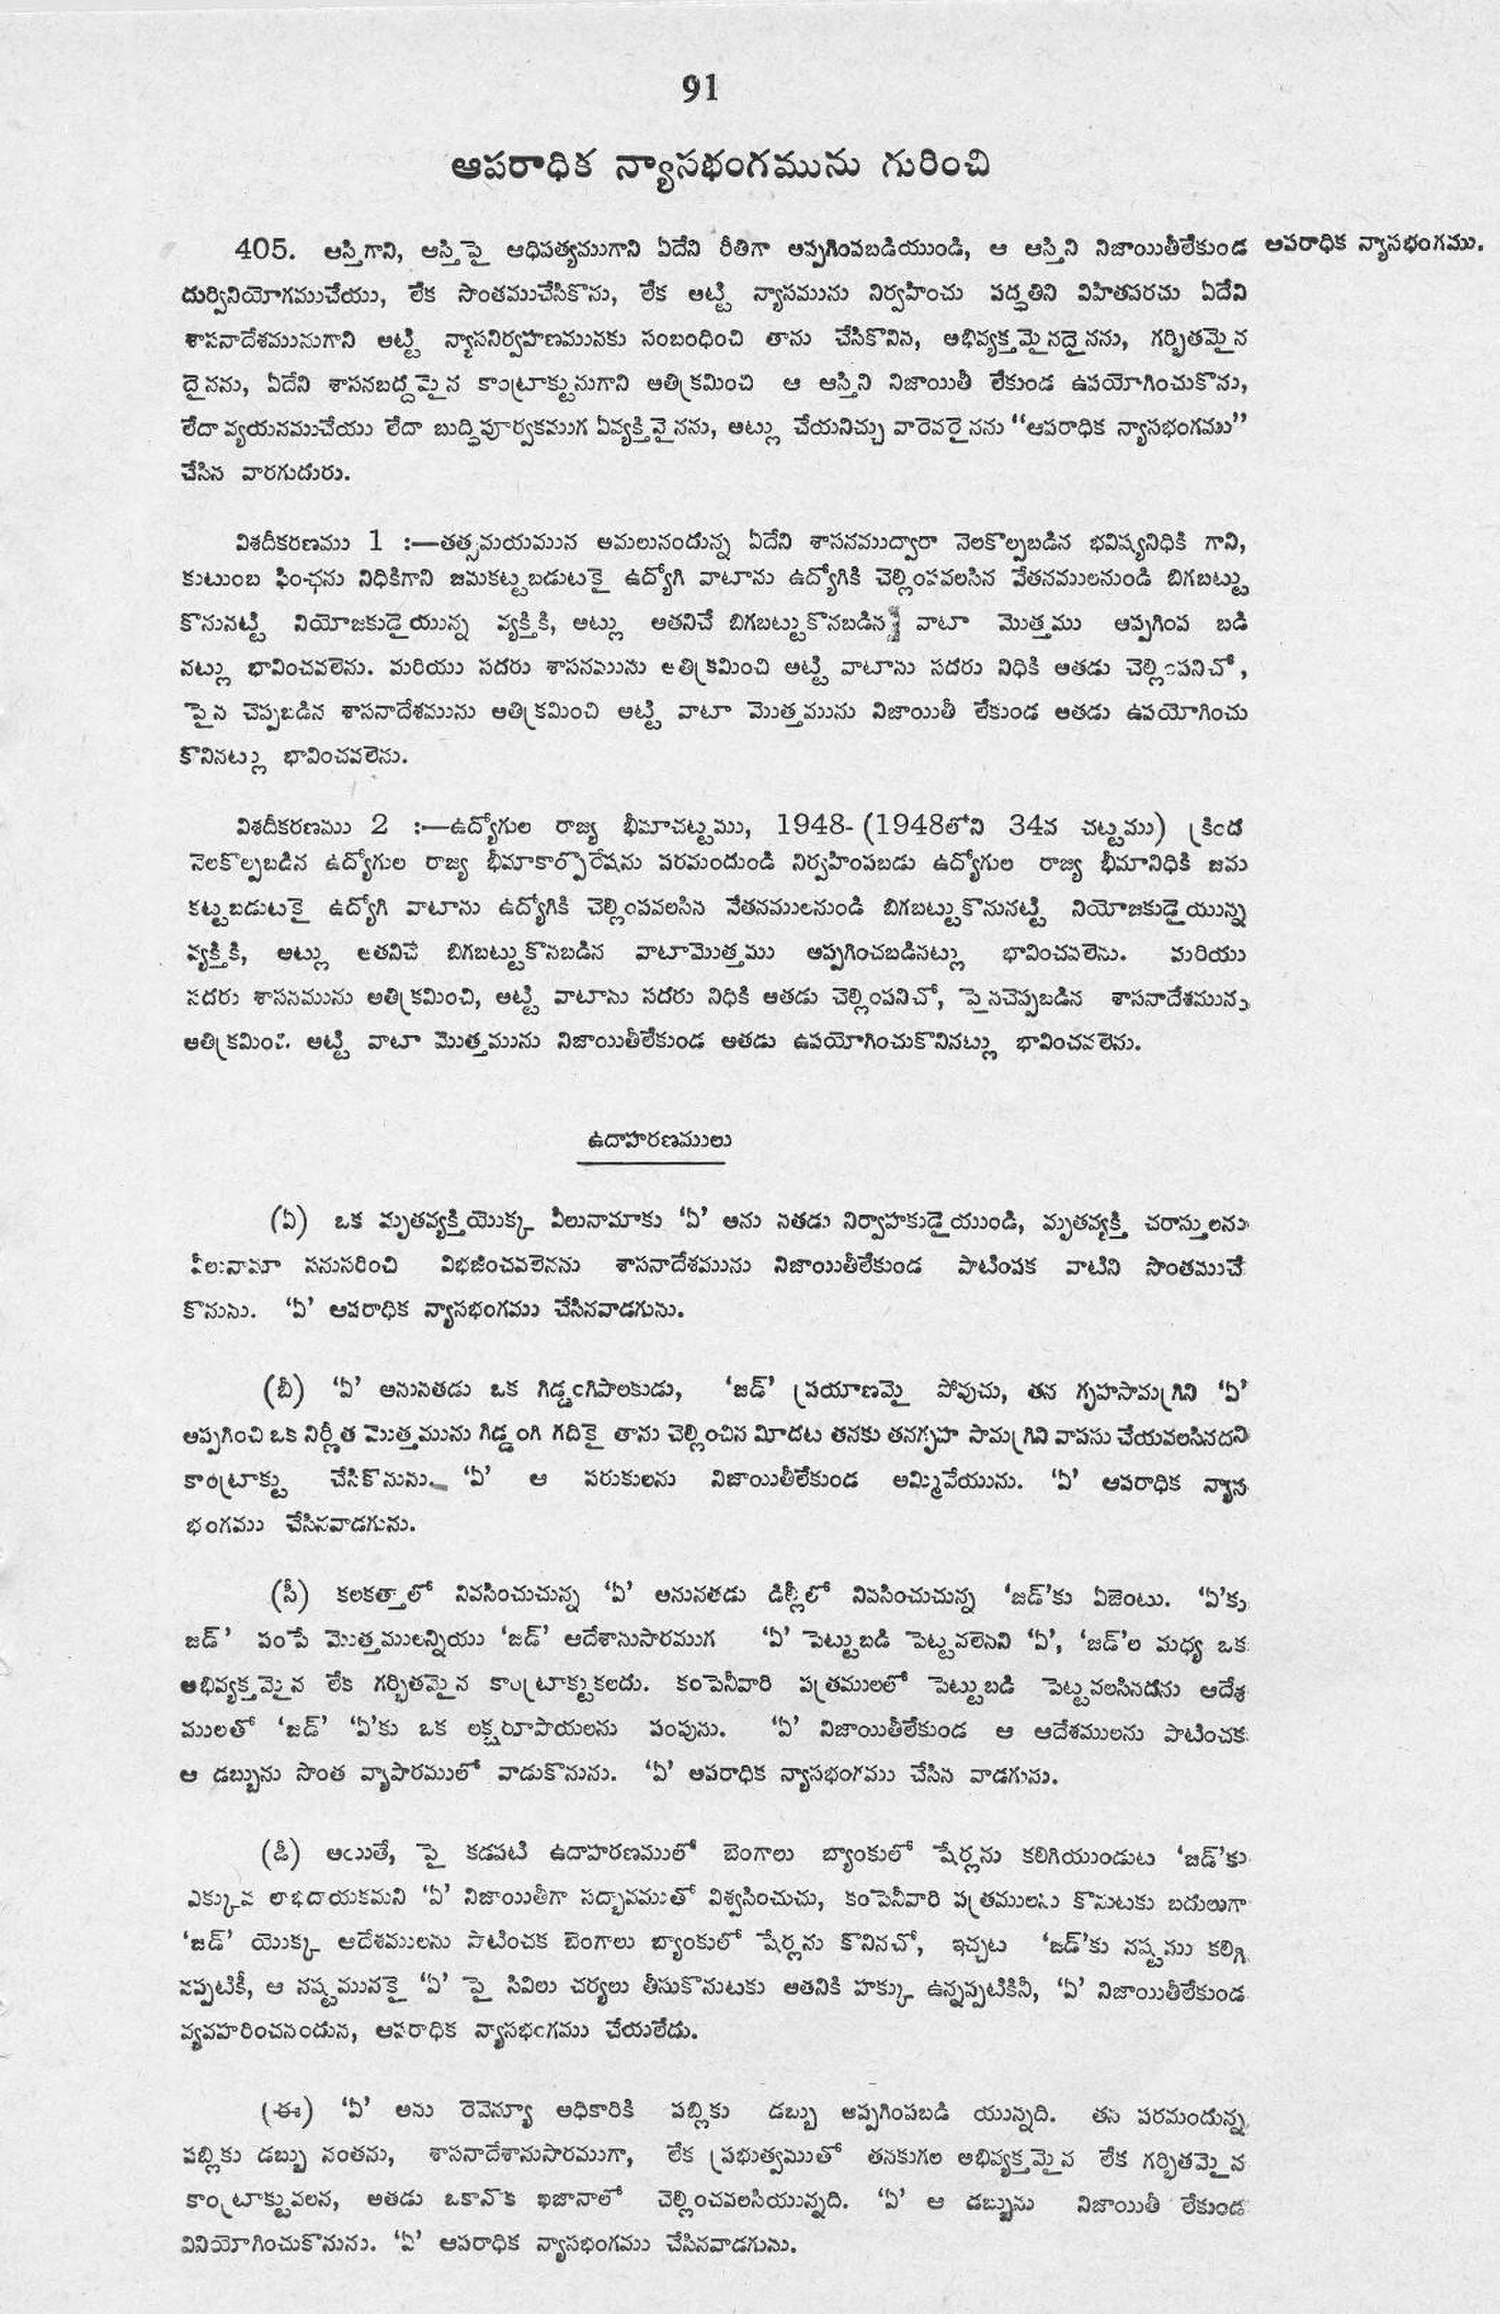అపరాధిక న్యాస భంగము,

405. ఆస్తి గాని, ఆస్తిపై ఆధిపత్యముగాని ఏదేని రీతిగా అప్పగింపబడియుండి, ఆ ఆస్తిని నిజాయితీ లేకుండ దుర్వినియోగము చేయు, లేక సొంతము చేసికొను, లేక అట్టి న్యాసమును నిర్వహించు పద్ధతిని విహితపరచు ఏదేవి శాసనాదేశమునుగాని అట్టి న్యాస నిర్వహణమునకు సంబంధించి తాను చేసికొనిన, అభివ్యక్త మైనదైనను, గర్భితమైన దైనను, ఏదేని శాసనబద్ధ మైన కాంట్రాక్టునుగాని అతిక్రమించి ఆ ఆస్తిని నిజాయితీ లేకుండ ఉపయోగించుకొను,లేదా వ్యయనముచేయు లేదా బుద్ధి పూర్వకముగ ఏవ్యక్తి నైనను, ఆట్లు చేయనిచ్చు వారెవరైనను “ఆపరాధిక న్యాస భంగము" చేసిన వారగుదురు.

విశదీకరణము 1 :-తత్సమయమున అమలునందున్న ఏదేని శాసనము ద్వారా నెలకొల్పబడిన భవిష్యనిధికి గాని, కుటుంబ ఫింఛను నిధికిగాని జమకట్ట బడుటకై ఉద్యోగి వాటాను ఉద్యోగికి చెల్లింపవలసిన వేతనములనుండి బిగబట్టు కొనునట్టి నియోజకుడై యున్న వ్యక్తి కి, ఆట్లు అతనిచే బిగబట్టు కొనబడిన వాటా మొత్తము అప్పగింప బడినట్లు భావించవలెను. మరియు సదరు శాసనమును అతిక్రమించి అట్టి వాటాను సదరు నిధికి ఆతడు చెల్లింపని చో, పైన చెప్పబడిన శాసనాదేశమును అతిక్రమించి అట్టి వాటా మొత్తమును నిజాయితీ లేకుండ అతడు ఉపయోగించు కొనినట్లు భావించవలెను.

విశదీకరణము 2 : ఉద్యోగుల రాజ్య భీమా చట్టము, 1948- (1948లోని 34వ చట్టము) క్రింద నెలకొల్పబడిన ఉద్యోగుల రాజ్య భీమా కార్పొరేషను పరమందుండి నిర్వహింపబడు ఉద్యోగుల రాజ్య భీమానిధికి జమ కట్టబడుటకై ఉద్యోగి వాటాను ఉద్యోగికి చెల్లింపవలసిన వేతనములనుండి బిగబట్టు కొనునట్టి నియోజకుడై యున్న వ్యక్తి కి, అట్లు ఆతనిచే బిగబట్టు కొనబడిన వాటా మొత్తము అప్పగించబడినట్లు భావించవలెను. మరియు సదరు శాసనమును అతిక్రమించి, అట్టి వాటాను సదరు నిధికి అతడు చెల్లింపనిచో, పైనచెప్పబడిన శాసనాదేశమును అతిక్రమించి. అట్టి వాటా మొత్తమును నిజాయితీ లేకుండ అతడు ఉపయోగించుకొనినట్లు 
భావించవలెను.

(ఏ) ఒక మృతవ్యక్తి యొక్క వీలునామాకు 'ఏ' అను నతడు నిర్వాహకుడై యుండి, మృతవ్యక్తి చరాస్తులను వీలునామా ననుసరించి విభజించవలెనను శాసనాదేశమును నిజాయితీలేకుండ పాటింపక వాటిని సొంతముచే కొనును. 'ఏ' ఆపరాధిక న్యాసభంగము చేసినవాడగును.

(బీ) ఏ' అనునతడు ఒక గిడ్డంగిపాలకుడు, 'జడ్' ప్రయాణమై పోవుచు, తన గృహసామగ్రిని 'ఏ' అప్పగించి ఒక నిర్ణీత మొత్తమును గిడ్డంగి గదికై తాను చెల్లించిన మీదట తనకు తనగృహ సామగ్రిని వాపసు చేయవలసినదని కాంట్రాక్టు చేసికొనును. 'ఏ'ఆ సరుకులను నిజాయితీ లేకుండ అమ్మివేయును. 'ఏ' ఆపరాధిక న్యాస భంగము చేసినవాడగును.

(సీ) కలకత్తాలో నివసించుచున్న 'ఏ' అనునతడు డిల్లీ లో నివసించుచున్న 'జడ్'కు ఏజెంటు. 'ఏ'కు 'జడ్' పంపే మొత్తములన్నియు 'జడ్' ఆదేశానుసారముగ 'ఏ' పెట్టుబడి పెట్టవలెనని 'ఏ', 'జడ్'ల మధ్య ఒక అభివ్యక్తమైన లేక గర్భితమైన కాంట్రాక్టు కలదు. కంపెనీవారి పత్రములలో పెట్టుబడి పెట్ట వలసినదను ఆదేశములతో 'జడ్' 'ఏ'కు ఒక లక్ష రూపాయలను పంపును. 'ఏ' నిజాయితీలేకుండ ఆ ఆదేశములను పాటించక ఆ డబ్బును సొంత వ్యాపారములో వాడుకొనును. 'ఏ' అపరాధిక న్యాసభంగము చేసిన వాడగుసు,

(డీ) అయితే, పై కడపటి ఉదాహరణములో బెంగాలు బ్యాంకులో షేర్లను కలిగియుండుట 'జడ్'కు ఎక్కువ లాభదాయకమని 'ఏ' నిజాయితీగా సద్భావముతో విశ్వసించుచు, కంపెనీవారి పత్రములు కొనుటకు బదులుగా 'జడ్' యొక్క ఆదేశములను పాటించక బెంగాలు బ్యాంకులో షేర్లను కొనినచో, ఇచ్చట 'జడ్'కు నష్టము కలిగినప్పటికీ, ఆ నష్టమునకై 'ఏ' పై సివిలు చర్యలు తీసుకొనుటకు అతనికి హక్కు ఉన్నప్పటికినీ, 'ఏ' నిజాయితీ లేకుండ వ్యవహరించనందున, అపరాధిక న్యాసభంగము చేయలేదు.

(ఈ) 'ఏ' అను రెవెన్యూ అధికారికి పబ్లికు డబ్బు అప్పగింపబడి యున్నది. తన పరమందున్న పబ్లికు డబ్బు నంతను,
శాసనాదేశానుసారముగా, లేక ప్రభుత్వముతో తనకుగల అభివ్యక్తమైన లేక గర్భితమైన కాంట్రాక్టు వలన, అతడు ఒకానొక ఖజానాలో చెల్లించవలసియున్నది. 'ఏ' ఆ డబ్బును నిజాయితీ లేకుండ వినియోగించుకొనును. 'ఏ' ఆపరాధిక న్యాసభంగము చేసినవాడగును.